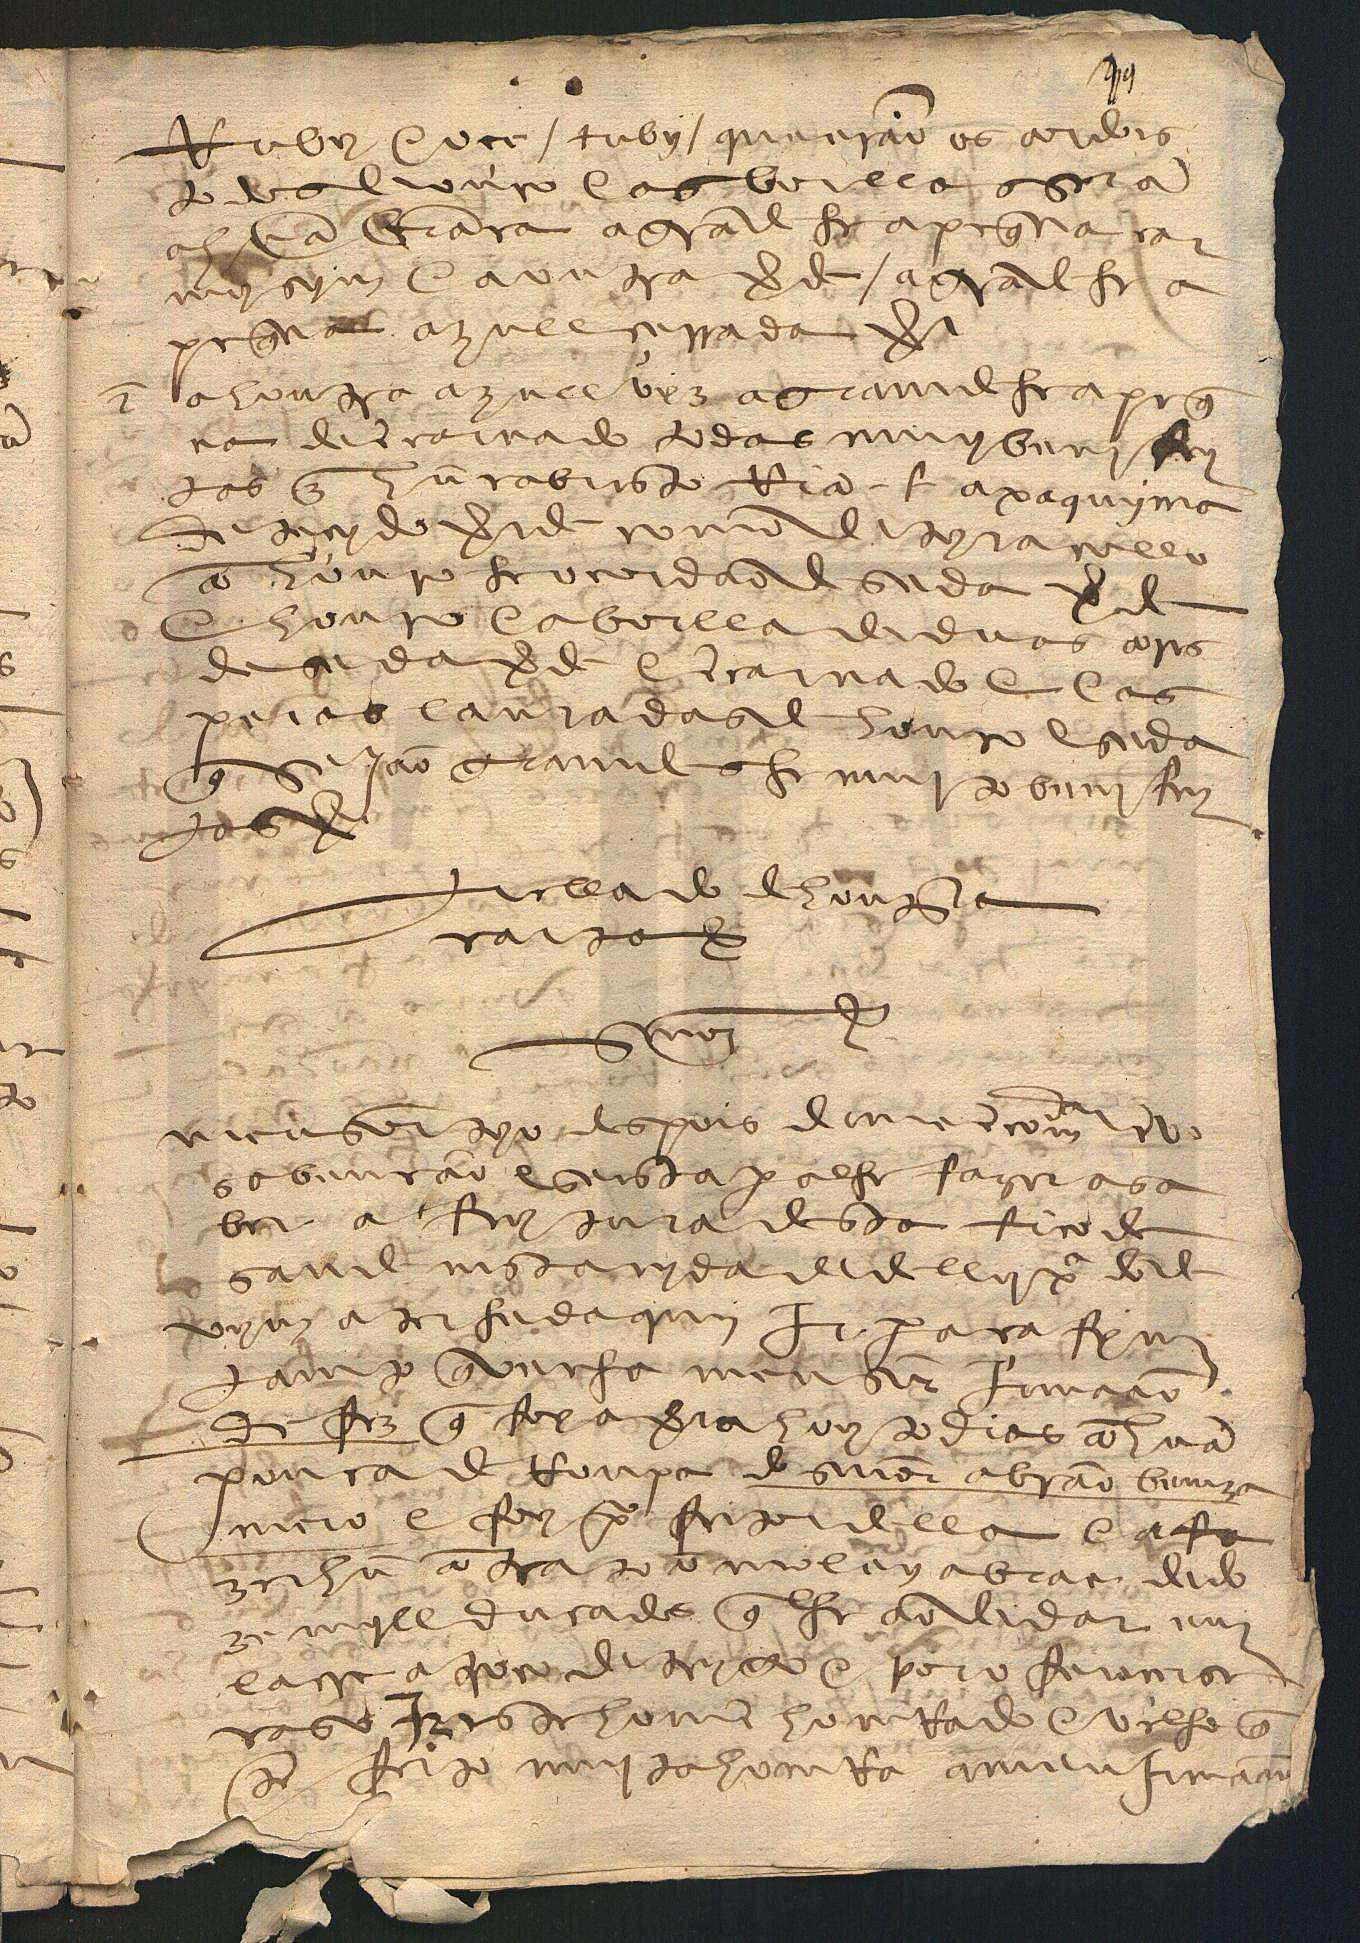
Ruby e oçe / tuby / que erão os cordoes
todos de ouro e as borllas serā
a huā brāca a grāde he a peq̄na car
mysym e a outra ꝟde / a grāde he a
peq̄na azull cerrada
item a houtra azull vyz a gramde he a peq̄
na de ēcarnado todas muy bem fey
tas item hū cabresto Riā .s. a xaquyma
de tecydo ꝟde como de tyracollo
c̄o houro he o cordaõ de seda ꝟde
e houro e a borlla de duas cores
de seda ꝟde e ēcarnado e e as
peias lauradas de houro e seda
q̄ seJaõ gramdes he mujto bem fey
tas
trellado de houtra
carta
Sn̄or
meu sōr tyo despois de me ēcomdar ē vo
sa benção e se esta ꝑa lhe fazer a sa
ber a feytura desta fico de
saude nesta cydade de llyxa dōde
vym a ter he daquy Jr ꝑa çafym
tamto q̄ venha meu sor̄ Jrmaaõ
de fez q̄ foy aꝟra hoyto dias c̄o huā
pouca de Roupa do senōr abrão bemza
mero e foy p̄o feitor della e a fa
zer hū c̄otrato c̄o moley abrae de do
ze myll ducados q̄ lhe aõ de dar em
larre a troco de trygo e por oferecer se
caso Jr este homē homRado e velho q̄
tē feito mujta homRa a meu Jrmaão
